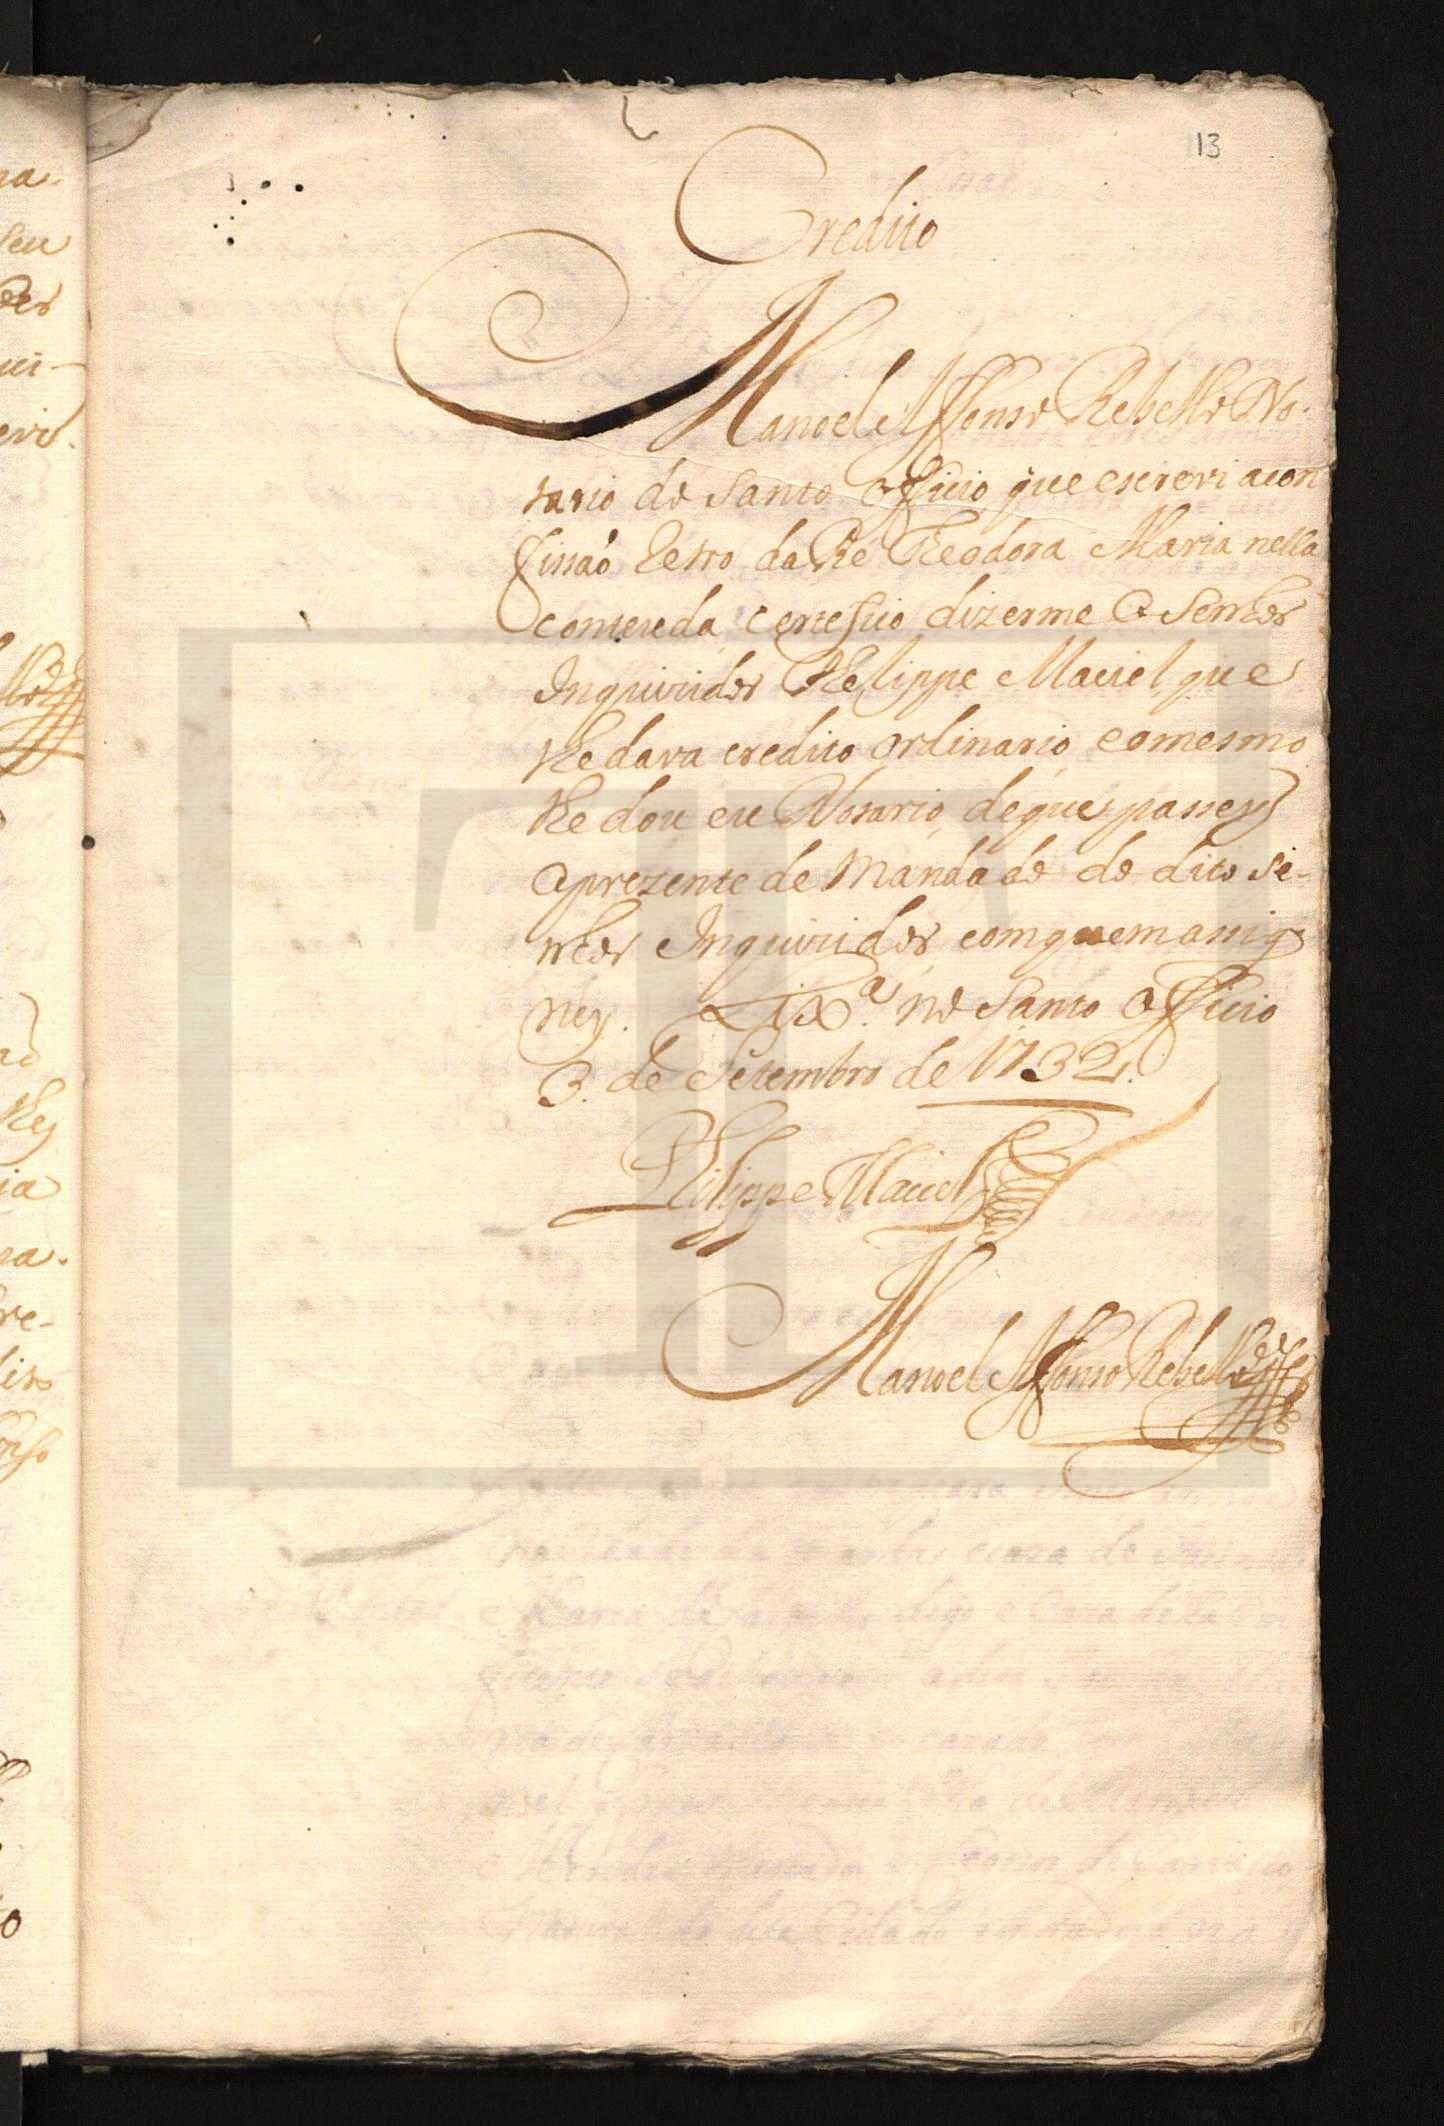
Credito
Manoel Affonso Rebello No
tario do Santo officio, que escrevi a con
fissaõ Retro da Ré Theodora Maria nella
conteuda certefico dizerme o Senhor
Inquizidor Phelippe Maciel, que
lhe dava credito ordinario, e o mesmo
lhe dou eu Notario, de que passey
a prezente de Mandado do dito se
nhor Inquizidor, com quem assig
ney. Lxa no Santo officio
3 de Setembro de 1732.
Philippe de Maciel
Manoel Affonso Rebello
